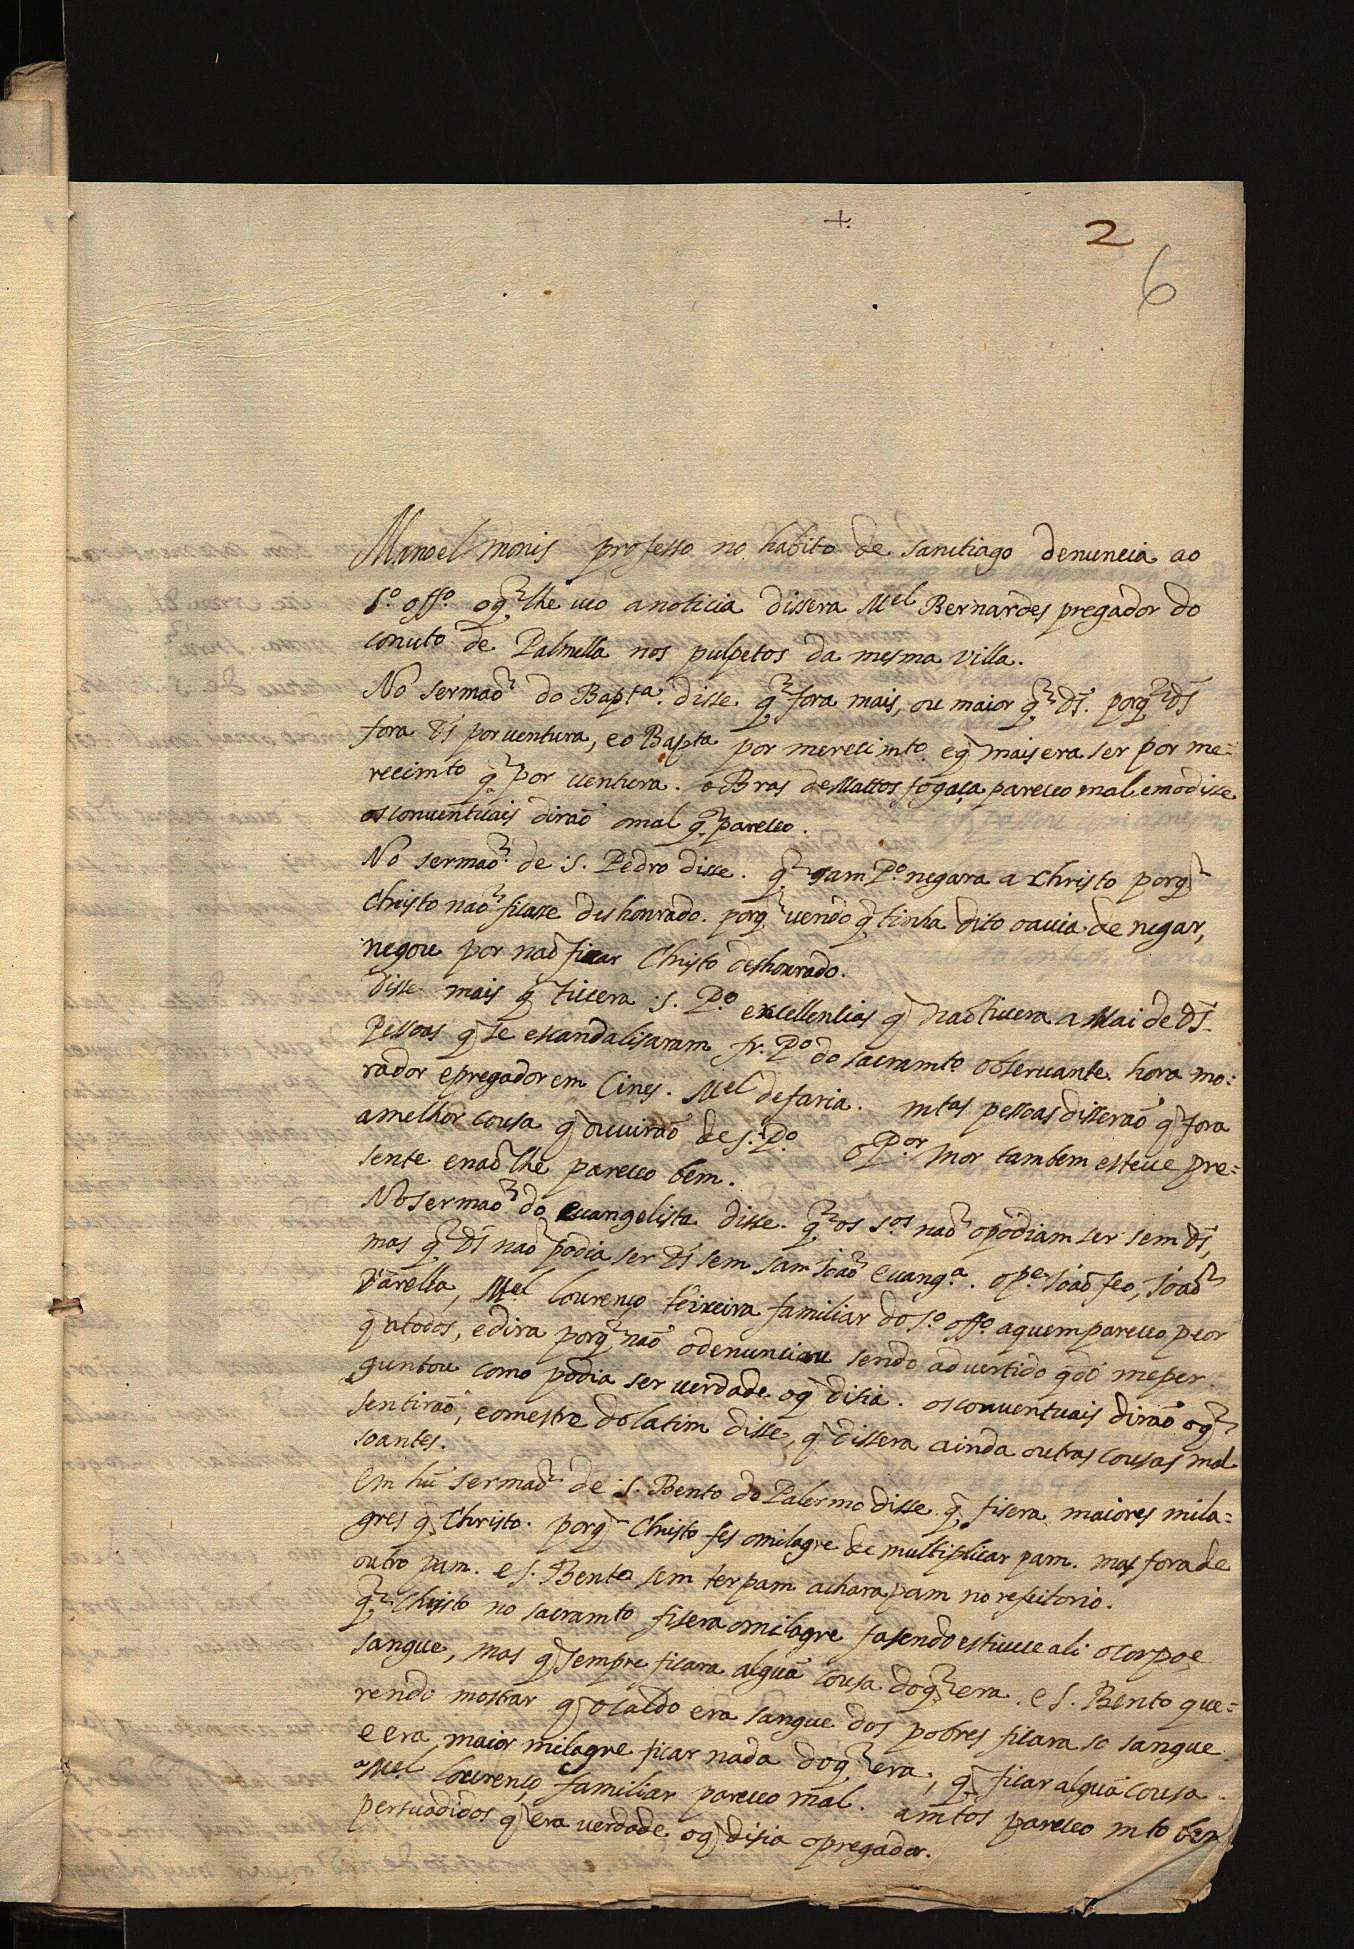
2
Manoel monis professo no habito de sanctiago denuncia ao
s.o off.o o q̄ lhe ueo a noticia dissera Mel Bernardes pregador do
conuto de Palmella nos pulpetos da mesma villa.
No sermaõ do Bapta disse q̄ fora mais, ou maior q̄ Ds̄ porq̄ Ds̄
fora Ds̄ por uentura, e o Bapta por merecimto. e q̄ mais era ser por me
recimto q̄ por uentura. o Bras de Mattos fogaça pareceo mal e mo disse
os conuentuais diraõ o mal q̄ pareceo.
No sermaõ de S. Pedro disse q̄ sam P.o negara a Christo porq̄
Christo naõ ficase deshonrado. porq̄ uendo q̄ tinha dito o auia de negar,
negou por naõ ficar Christo deshonrado.
Disse mais q̄ tiuera .S. P.o excellencias q̄ naõ tiuera a Mai de Ds̄.
Pessoas q̄ se escandalisaram fr. Po do Sacramto obseruante hora mo
rador e pregador em Cines. Mel de faria. mtas pessoas disseraõ q̄ fora
a melhor cousa q̄ ouuiraõ de S. P.o o P.or mor tambem esteue pre
sente e naõ lhe pareceo bem.
No sermaõ do euangelista disse q̄ os s.os não o podiam ser sem Ds̄,
mas q̄ Ds̄ não podia ser Ds̄ sem sam Ioaõ euang.a o P.e Ioaõ feo, Ioaõ
Varella, Mel Lourenço Teixeira familiar do s.o off.o a quem pareceo peor
q̄ a todos, e dira porq̄ naõ o denunciou sendo aduertido q̄do me per
guntou como podia ser uerdade o q̄ disia. os conuentuais diraõ o q̄
sentiraõ, e o mestre do latim disse, q̄ dissera ainda outras cousas mal
soantes.
Em hū sermaõ de S. Bento de Palermo disse q̄ fisera maiores mila
gres q̄ Christo. porq̄ Christo fes o milagre de multiplicar pam. mas fora de
outro pam. e S. Bento sem ter pam achara pam no refeitorio.
q̄ Christo no sacramto fisera o milagre fasendo estiuese ali o corpo e
sangue, mas q̄ sempre ficara alguā cousa do q̄ era. e S. Bento que
rendo mostrar q̄ o caldo era sangue dos pobres ficara so sangue
e era maior milagre ficar nada do q̄ era, q̄ ficar alguā cousa
a Mel Lourenço familiar pareceo mal. amtos pareceo mto be
persuadidos q̄ era uerdade o q̄ disia o pregador.
